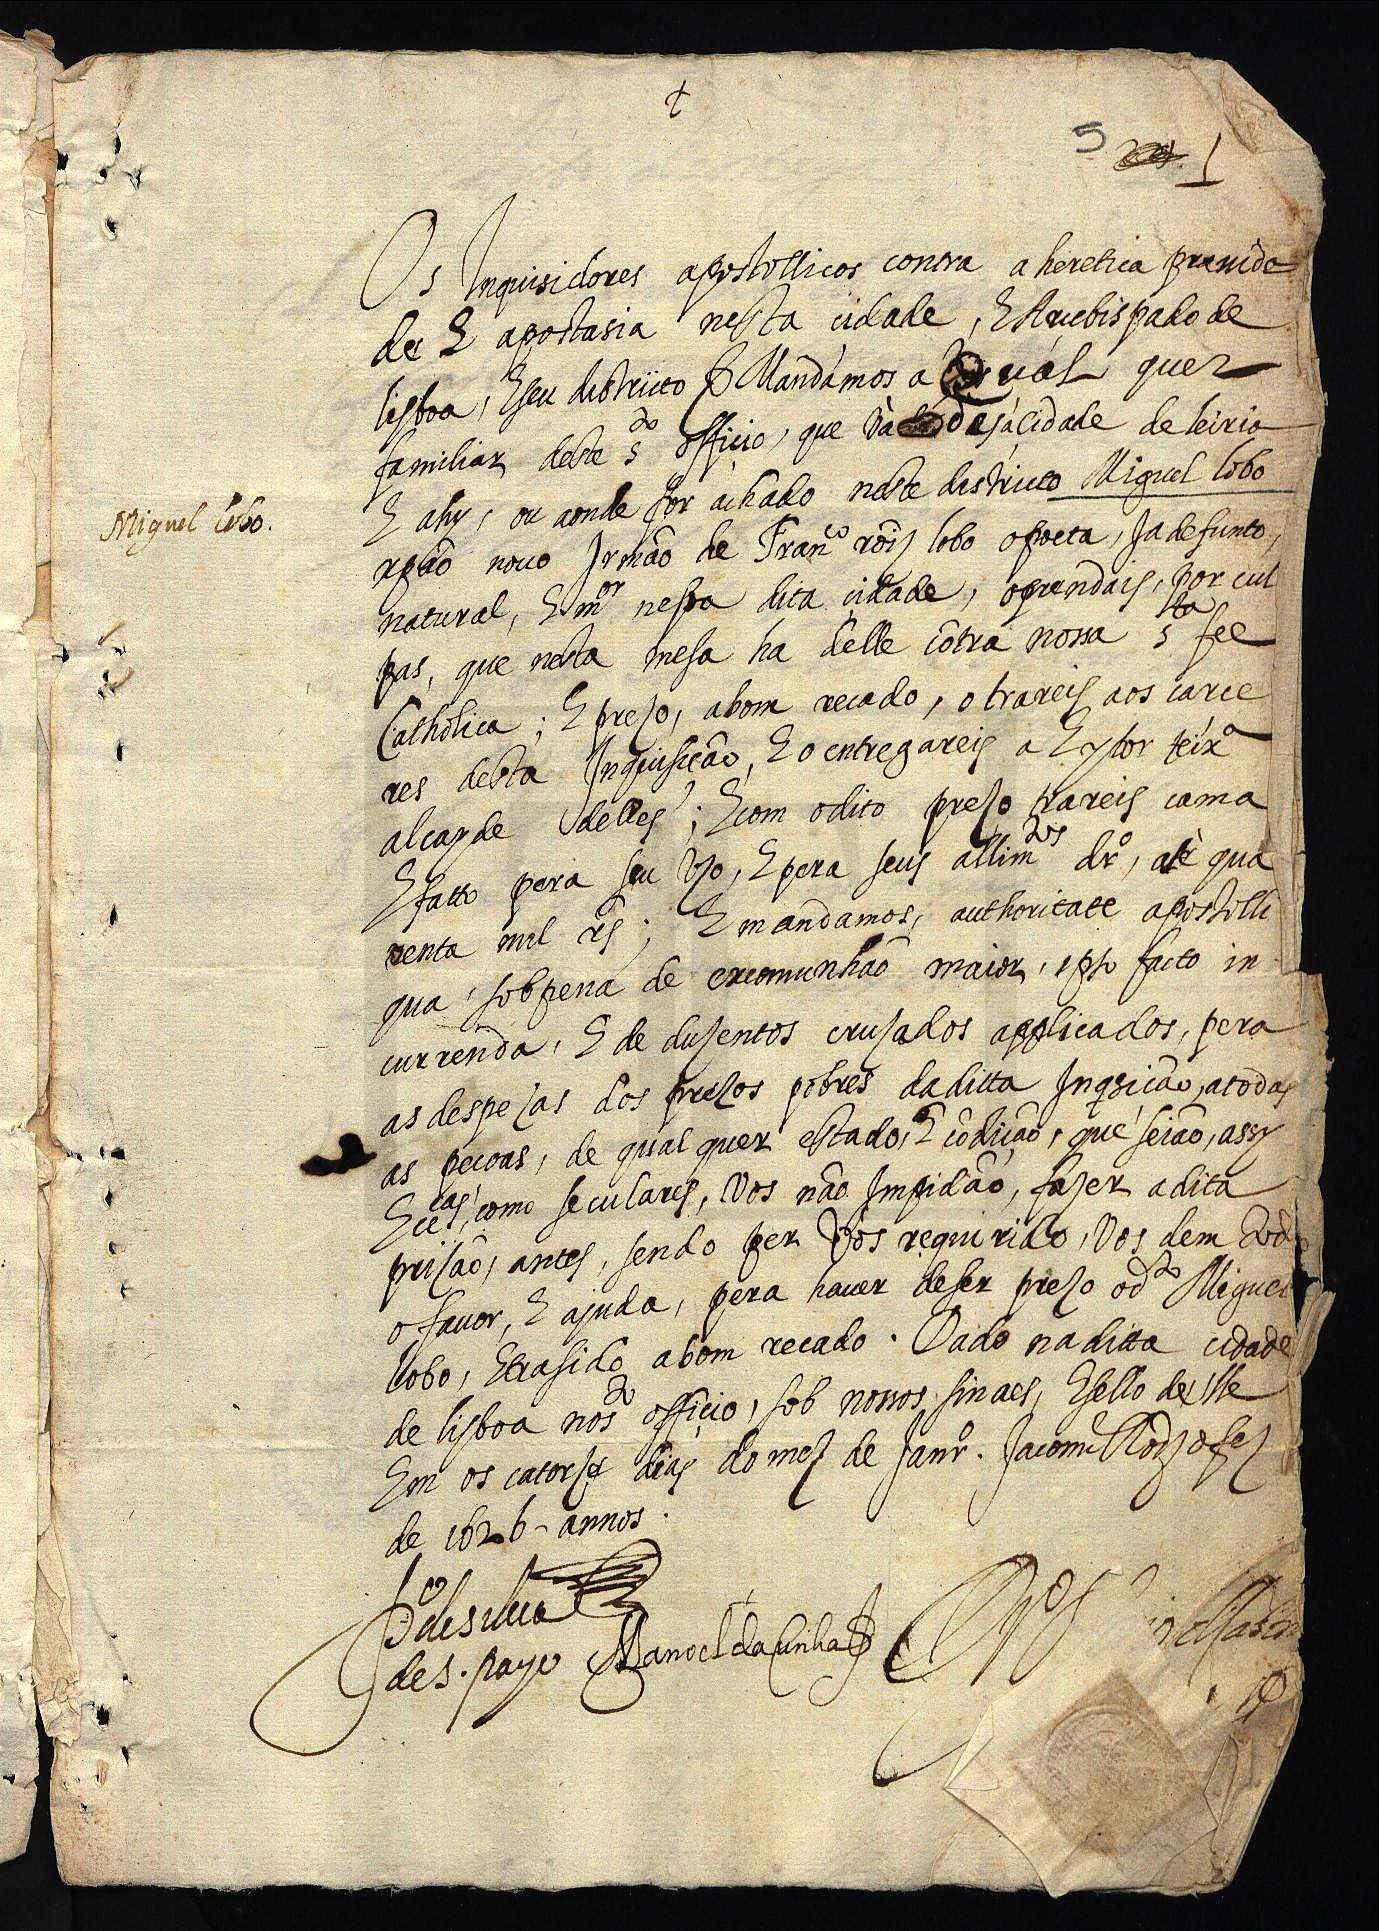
Os Inquisidores apostollicos contra a heretica prauida
de E apostasia nesta cidade, E Arcebispado de
lisboa, E seu destricto & Mandamos a QuaLquer
familiar deste sto officio, que và _ desa cidade de leiria
E ahy, ou aonde for achado neste destricto Miguel lobo
xpaõ nouo Jrmão de Franco rōiz lobo o poeta, Ja defunto,
natural, E mor nessa dita cidade, o prendais, por cul
pas, que nesta mesa ha delle cōtra nossa sta fee
Catholica; E prezo, a bom recado, o trareis aos carçe
res desta Jnquisição, E o entregareis a Eytor teixa
alcayde delles; E com o dito prezo trareis cama
E fatto pera seu vzo, E pera seus allimtos dro, atè qua
renta mil rs̄; E mandamos, authoritate apostolli
qua sob pena de excomunhão maior, ipso facto in
currenda, E de duzentos cruzados applicados, pera
as despezas dos prezos pobres da ditta Jnꝗsição, a todas
as peçoas, de qualquer estado, E cōdição, que seião, assy
Ecccas, como seculares, vos não Jmpidão, fazer a dita
prizão, antes, sendo per Vós requirido, vos dem todo
o fauor, E ajuda, pera hauer de ser prezo o dto Miguel
lobo, E trasido a bom recado. Dado na ditta cidade
de lisboa no sto officio, sob nossos sinaes, E sello delle
Em os catorze dias do mez de Janro. Jacome Rōiz o fez
de 1626 annos.
